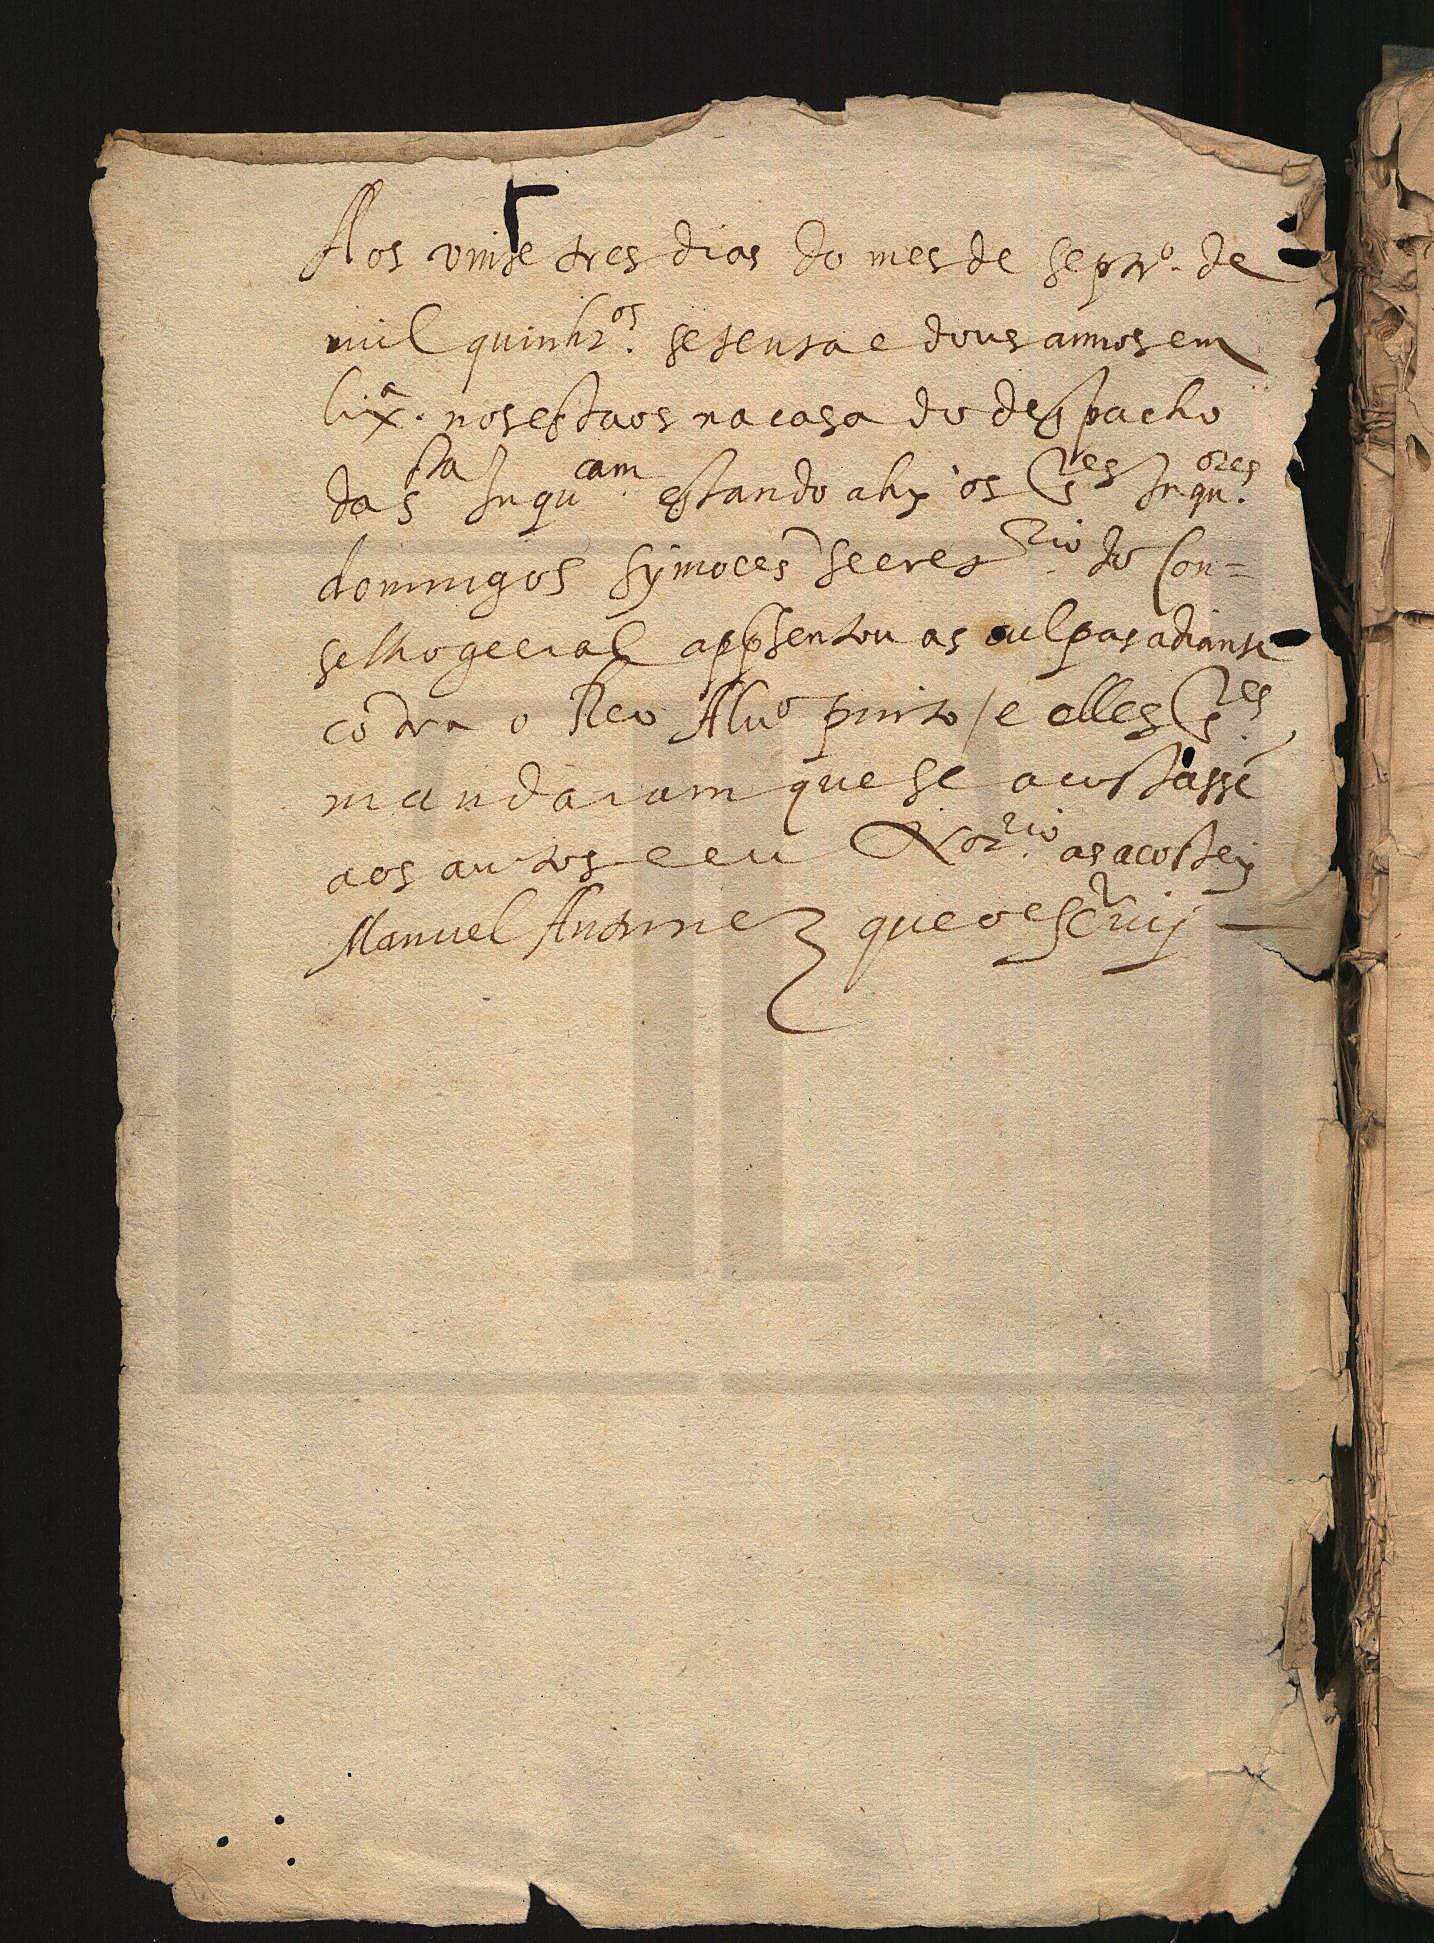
Aos vinte tres dias do mes de Septro. de
mil quinhtos. setenta e dous annos em
lixa. nos estaos na casa do despacho
da scta Inqucam. estando ahy os sres Jnqu.ores
domingos symoeẽs secretrio do Con
selho geeral app̄sentou as culpas adiante
cōtra o Reo Aluo pinto / e elles sres.
mandaram que se acostassē
aos autos e eu Not.rio as acostey
Manuel Antunez que o escriuj
